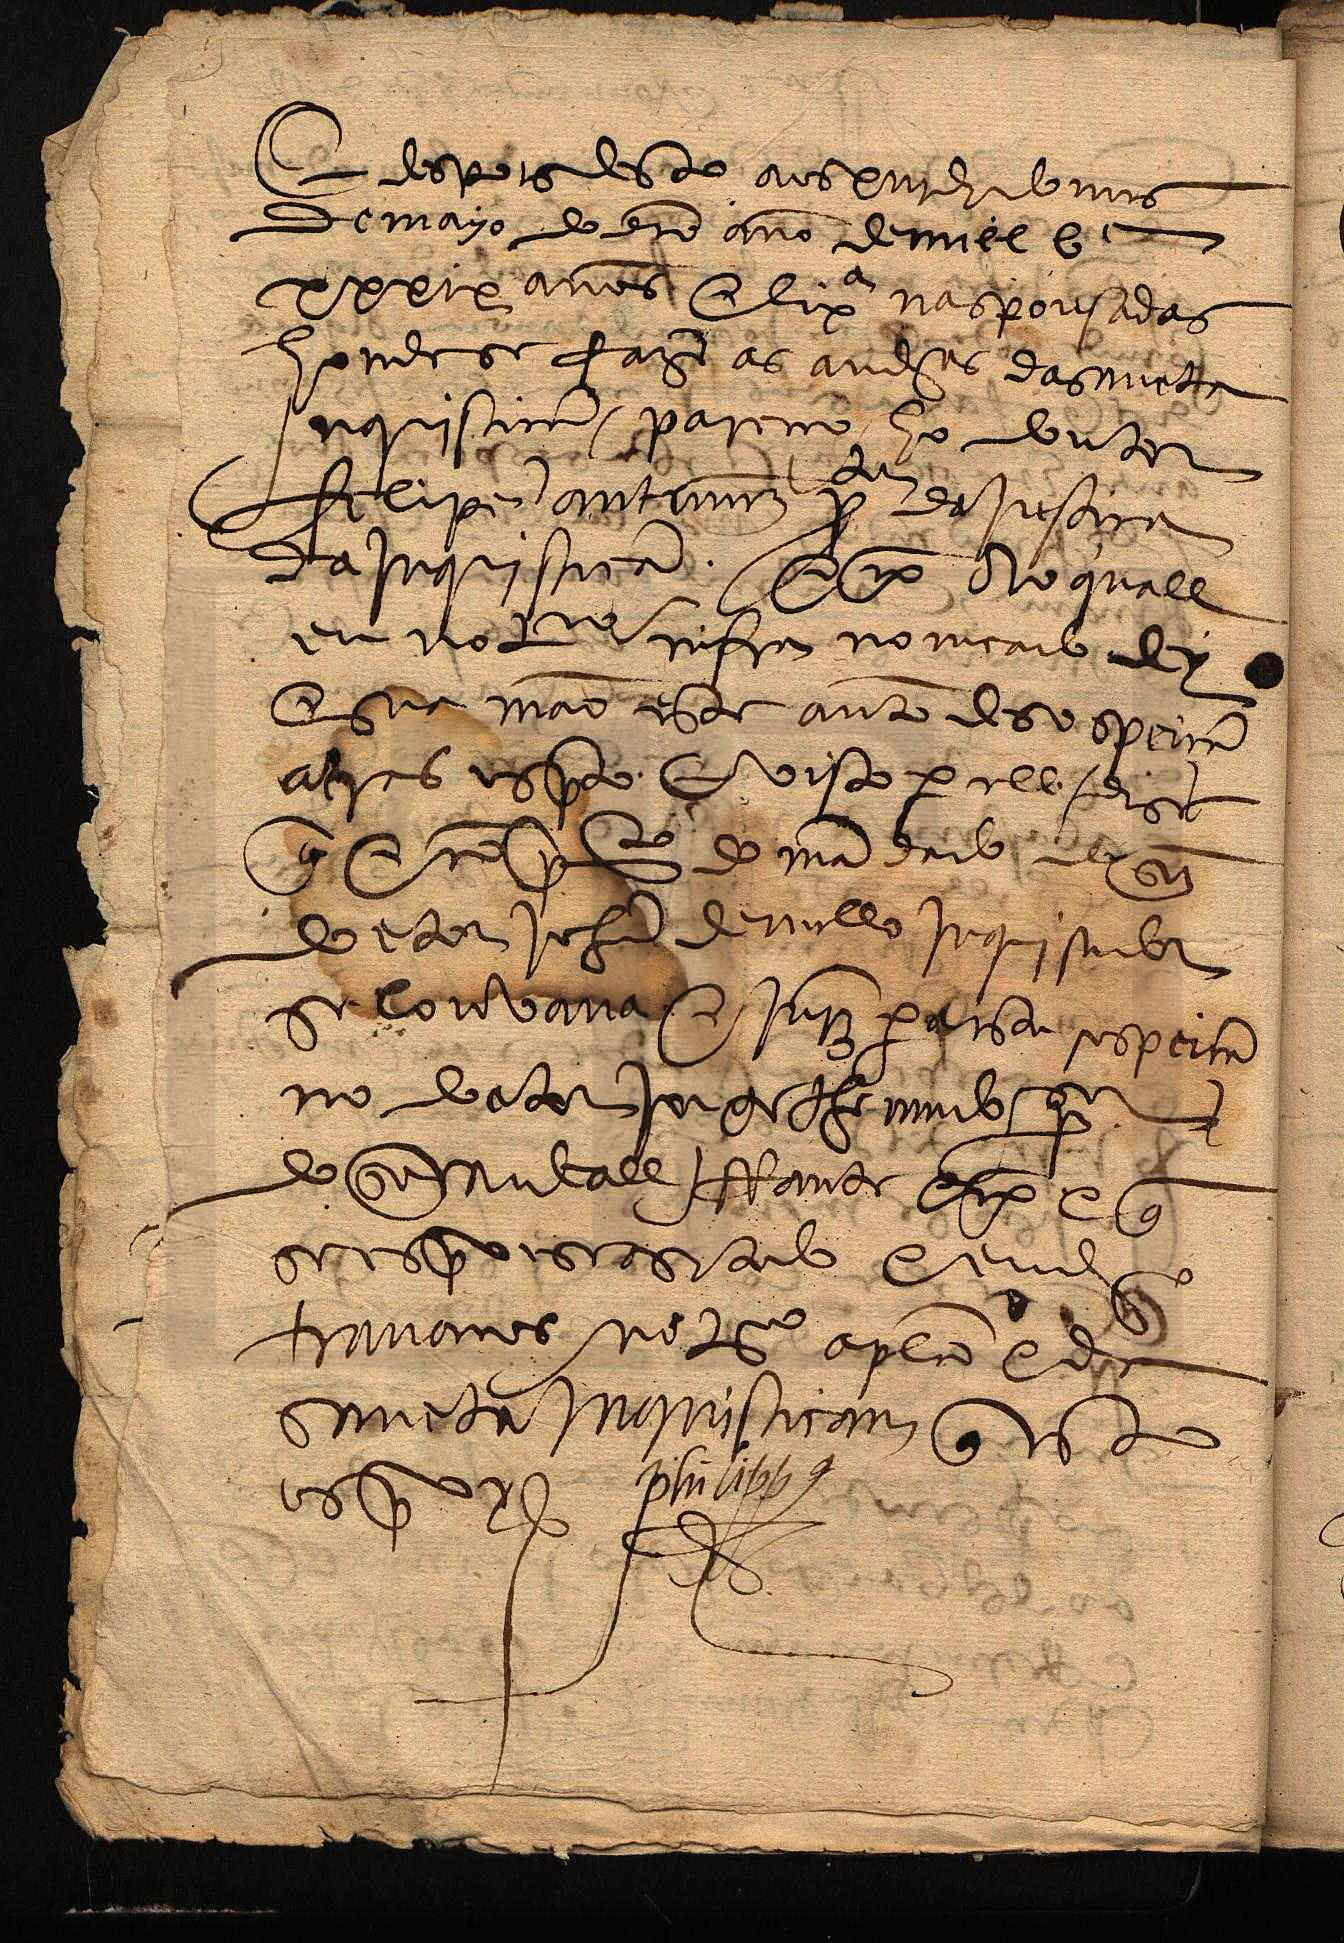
E despois desto aos xiij dj do mes
de mayo do dito ano de mill bc
xxxix anōs ē lixa nas pousadas
honde se fazē as audjas da sancta
Jnqujsiçā / pareceo ho doutor
felipe antunez ꝓtor da Justiça
da Jnqujsiçā / e c̄ꝭ Ao quall
eu notro infra nomeado dey
ē sua mão este auto de sospeiçā
atras espto E visto ꝑ elle / dise
q̄ ē c̄op̄mto do mādado do s̄or
doctor Johā de mello Jnqujsidor
se louvaua ē Jujz ꝑa esta sospeiçā
no doctor Jorge themudo ꝓsor
do s̄or cardeall Jffante e c̄ꝭ e q̄
se esp̄vese asj tudo e eu djo
trauaços notro ap̄lco e da
sancta Jnquisiçam q̄ esto
esp̄vy
philippꝯ
